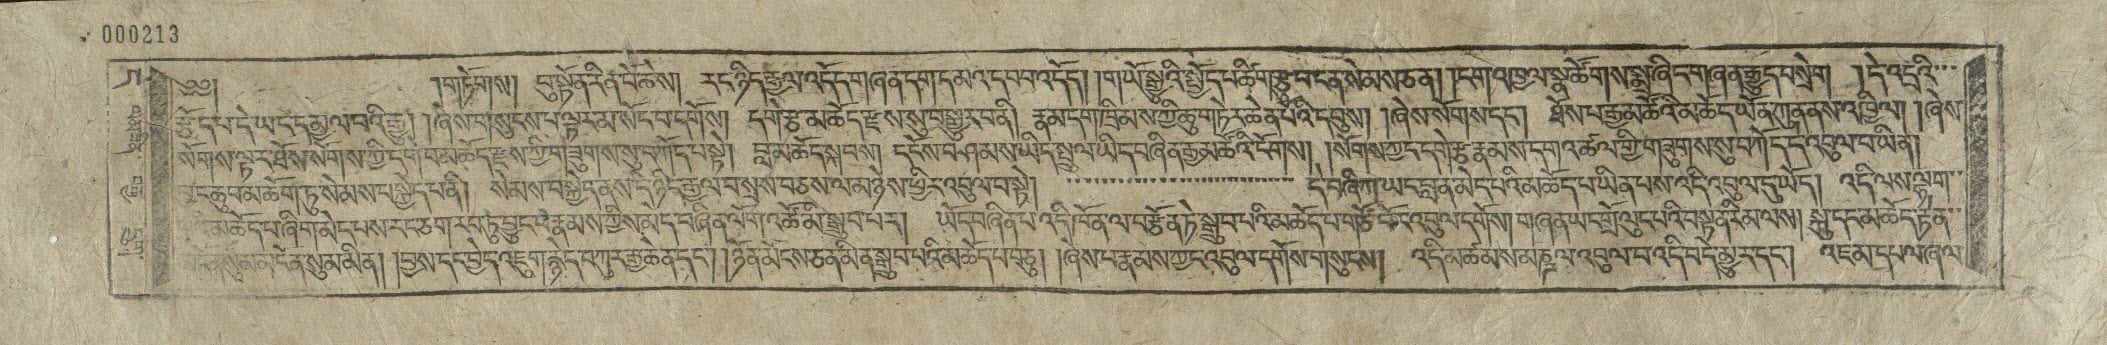༄༅། །གཏོགས། བུ་སྟོན་རིན་པོ་ཆེས། རང་ཉིད་རྒྱལ་འདོད་གཞན་དག་དམའ་དབབ་འདོད། །གཡོ་སྒྱུའི་སྤྱོད་པ་ཚིག་རྩུབ་ངན་སེམས་ཅན། །ངག་འཁྱལ་སྣ་ཚོགས་སྨྲ་ཞིང་གཞན་རྒྱུད་བསྲེག །དེ་འདྲའི་
རྩོད་པ་དེ་ཡང་དམྱལ་བའི་རྒྱུ། །ཞེས་གསུངས་པ་ལྟར་མ་སོང་བ་དགོས། དགེ་རྩ་མཆོད་རྫས་སུ་བསྒྱུར་བ་ནི། རྣམ་དག་ཁྲིམས་ཀྱི་ཆུ་གཏེར་ཆེན་པོའི་དབུས། །ཞེས་སོགས་དང་། ཐོས་པ་རྒྱ་མཚོའི་མཆོད་ཡོན་ཀུན་ནས་འཁྱིལ། །ཞེས་
སོགས་ལྟར་ཐོས་སོགས་ཀྱི་དགེ་བ་མཆོད་རྫས་ཀྱི་གཟུགས་སུ་བཀོད་པ་སྟེ། བླ་མཆོད་སྐབས། དངོས་བཤམས་ཡིད་སྤྲུལ་ཡིད་བཞིན་རྒྱ་མཚོའི་ངོགས། །སོགས་ཀྱང་དགེ་རྩ་རྣམས་དགའ་ཚལ་གྱི་གཟུགས་སུ་བཀོད་དེ་འབུལ་བ་ཡིན།
བྱང་ཆུབ་མཆོག་ཏུ་སེམས་བསྐྱེད་པ་ནི། སེམས་བསྐྱེད་ནས་དེ་ཉིད་རྒྱལ་བ་སྲས་བཅས་ལ་མཉེས་ཕྱིར་འབུལ་བ་སྟེ། དེ་བཞི་ཀ་ཡང་བླ་ན་མེད་པའི་མཆོད་པ་ཡིན་པས་འདི་འབུལ་དུ་ཡོད། འདི་ལས་ལྷག་
པའི་མཆོད་པ་ཞིག་མེད་པས་རང་ཅག་རབ་ཏུ་བྱུང་བ་རྣམས་ཀྱིས་མེད་བཞིན་ལོག་འཚོ་མི་སྒྲུབ་པར། ཡོད་བཞིན་པ་འདི་ཁོ་ན་ལ་བརྩོན་ཏེ་སྒྲུབ་པའི་མཆོད་པ་གཙོ་བོར་འབུལ་དགོས། གཞན་ཡང་གྲོ་ལུང་པའི་བསྟན་རིམ་ལས། སྐུ་དང་མཆོད་རྟེན་
མངོན་སུམ་མངོན་སུམ་མིན། །བྱས་དང་བྱེད་འཇུག་རྙེད་བཀུར་རྒྱ་ཆེན་དང་། །ཉོན་མོངས་ཅན་མིན་སྒྲུབ་པའི་མཆོད་པ་བཅུ། །ཞེས་པ་རྣམས་ཀྱང་འབུལ་དགོས་གསུངས། འདི་མཚམས་མཎྜལ་འབུལ་བ་འདི་བདེ་མྱུར་དང་། འཇམ་དཔལ་ཞལ་